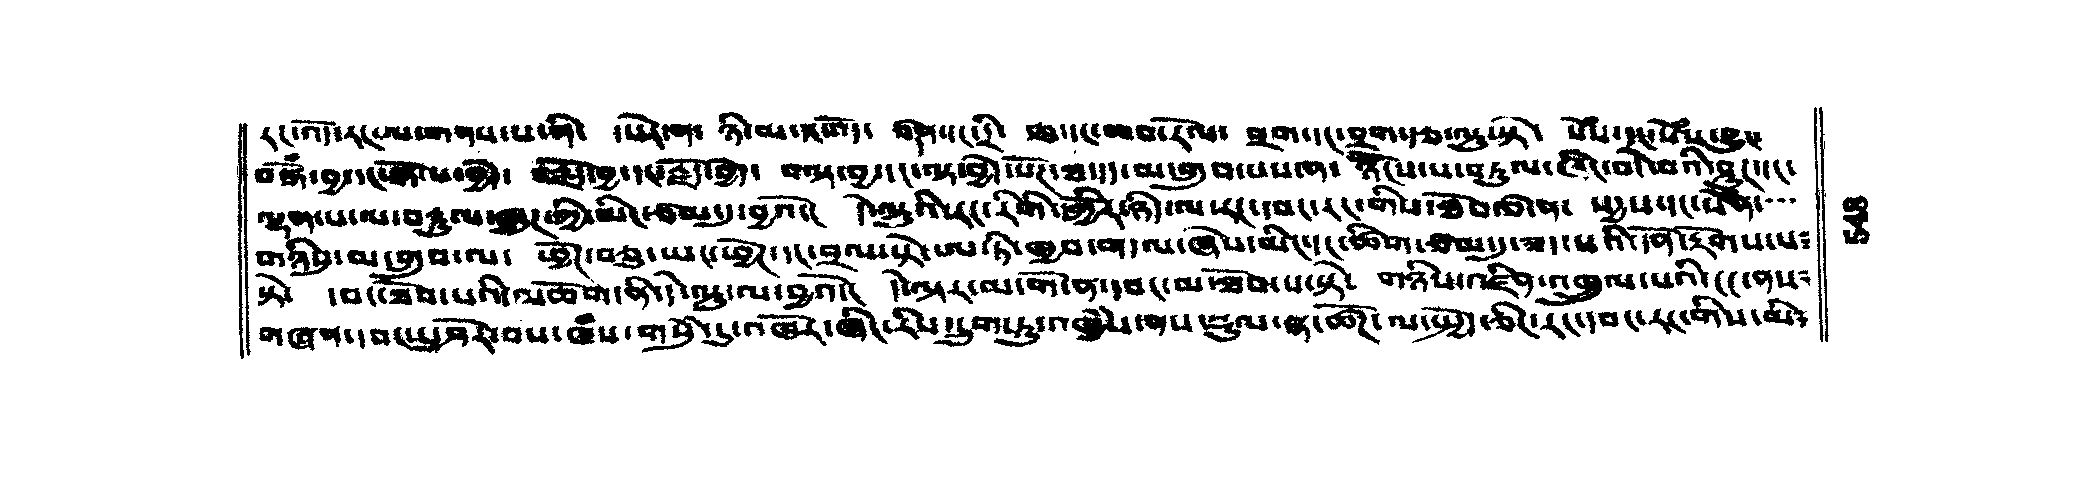རང་འོད་རང་ལ་གནས་པ་ནི། དཔེར་ན་ཉི་མ་དང་འོད། ཙནྡན་དང་དྲི། ཆུ་དང་ཆབ་རོམ། བྲག་དང་བྲག་ཅ་ལྟ་བུ་སྟེ། སེམས་དངསེམས་བྱུང་། 
བསྒོམ་བྱ་དང་སྒོམ་བྱེད། བརྗོད་བྱ་དང་རྗོད་བྱེད། བལྟ་བྱ་དང་ལྟ་བྱེད་སོགས་ཐ་དད་མ་གྲུབ་པས་ན། ཉོན་མོངས་པ་བརྟུལ་ཞིང་བདེ་བའི་ཤུགས་དང་
ལྡན་པ་ལ་བརྟུལ་ཞུགས་ཀྱི་མིང་ཙམ་དུ་བྱའོ། དེ་ལྟ་བུའི་རང་རིག་གི་དཀྱིལ་འཁོར་ཉིད་ལ་རང་དབང་རང་གིས་ཐོབ་ཙ་ན། སངས་རྒྱས་དང་སེམས་ཅན་
གཉིས་སུ་མ་གྲུབ་ལ། ཕྱོགས་བཅུ་ཡང་ཕྱོགས་དང་བྲལ་སྟེ་ཨ་ཏི་ཁྱབ་གདལ་ཞེས་མིང་དང་ཚིག་ཙམ་དུ་ཟད་པའི་དོན་རྟོགས་པ་
སྟེ། དབང་ཐོབ་པའི་མཆོག་ནི་དེ་ལྟ་བུ་ལ་བྱའོ། དེ་ལྟར་མ་གོ་ན་དབང་མ་ཐོབ་པ་སྟེ། གཉིས་འཛིན་འཁྲུལ་པའི་ངང་ནས་
གཞན་དབང་དུ་ཤོར་བས་ཁམས་གསུམ་དུ་འཁོར་ཞིང་རིགས་དྲུག་ཏུ་འཁྱམས་ནས་སྡུག་བསྔལ་སྣ་ཚོགས་ལ་སྤྱོད་ཅིང་རང་དབང་རང་གིས་མི་